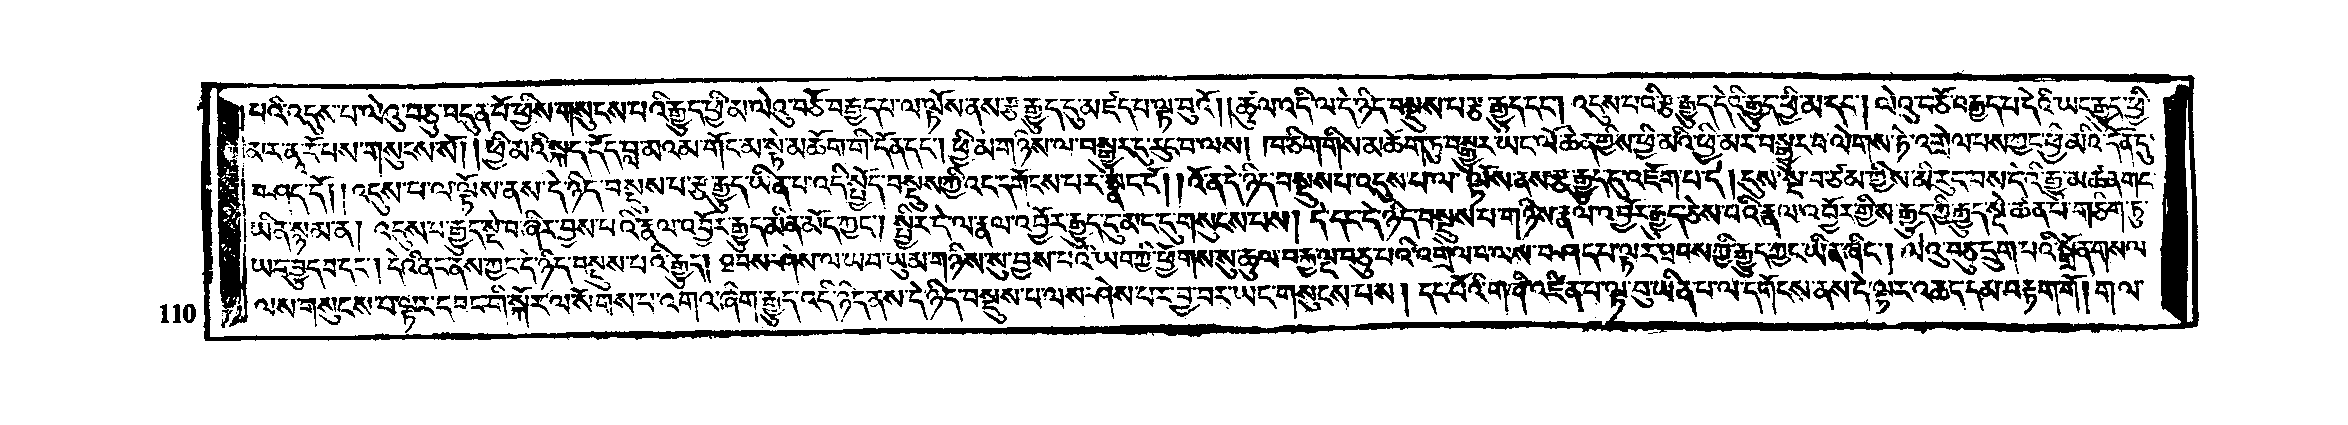པའི་འདུས་པ་ལེའུ་བཅུ་བདུན་པོ་ཕྱིས་གསུངས་པའི་རྒྱུད་ཕྱི་མ་ལེའུ་བཅོ་བརྒྱད་པ་ལ་ལྟོས་ནས་རྩ་རྒྱུད་དུ་མཛད་པ་ལྟ་བུའོ། །ཚུལ་འདི་ལ་དེ་ཉིད་བསྡུས་པ་རྩ་རྒྱུད་དང་། འདུས་པའི་རྩ་རྒྱུད་དེའི་རྒྱུད་ཕྱི་མ་དང་། ལེའུ་བཅོ་བརྒྱད་པ་དེའི་ཡང་རྒྱུད་ཕྱི་
མར་ནཱ་རོ་པས་གསུངས་སོ། །ཕྱི་མའི་སྐད་དོད་བླ་མའམ་གོང་མ་སྟེ་མཆོག་གི་དོན་དང་། ཕྱི་མ་གཉིས་ལ་བསྒྱུར་དུ་རུང་བ་ལས། ཁ་ཅིག་གིས་མཆོག་ཏུ་བསྒྱུར་ཡང་ལོ་ཆེན་གྱིས་ཕྱི་མའི་ཕྱི་མར་བསྒྱུར་བ་ལེགས་ཏེ་འགྲེལ་པས་ཀྱང་ཕྱི་མའི་དོན་དུ་
བཤད་དོ། །འདུས་པ་ལ་ལྟོས་ནས་དེ་ཉིད་བསྡུས་པ་རྩ་རྒྱུད་ཡིན་པ་འདི་སྤྱོད་བསྡུས་ཀྱི་འང་དགོངས་པར་སྣང་ངོ། །འོ་ན་དེ་ཉིད་བསྡུས་པ་འདུས་པ་ལ་ལྟོས་ནས་རྩ་རྒྱུད་དུ་འཇོག་པ་དེ། དུས་སྔ་བ་ཙམ་གྱིས་མི་རུང་བས་དེའི་རྒྱུ་མཚན་གང་
ཡིན་སྙམ་ན། འདུས་པ་རྒྱུད་སྡེ་བ་ཞིར་བྱས་པའི་རྣལ་འབྱོར་རྒྱུད་མིན་མོད་ཀྱང་། སྤྱིར་དེ་ལ་རྣལ་འབྱོར་རྒྱུད་དུ་མང་དུ་གསུངས་པས། དེ་དང་དེ་ཉིད་བསྡུས་པ་གཉིས་རྣལ་འབྱོར་རྒྱུད་ཅེས་པའི་རྣལ་འབྱོར་གྱིས་རྒྱུད་ཀྱི་རྒྱུད་སྡེ་ཚན་པ་གཅིག་ཏུ་
ཡང་བྱུད་བ་དང་། དེའི་ནང་ནས་ཀྱང་དེ་ཉིད་བསྡུས་པའི་རྒྱུད། ཐབས་ཤེས་ལ་ཡབ་ཡུམ་གཉིས་སུ་བྱས་པའི་ཡབ་ཀྱི་ཕྱོགས་སུ་ཆུལ་བརྒྱ་ལྔ་བཅུ་པའི་འགྲེལ་པ་ལས་བཤད་པ་ལྟར་ཐབས་ཀྱི་རྒྱུད་ཀྱང་ཡིན་ཞིང་། ལེའུ་བཅུ་དྲུག་པའི་སྒྲོན་གསལ་
ལས་གསུངས་པ་ལྟར་དབང་གི་སྐོར་ལ་སོགས་པ་འགའ་ཞིག་རྒྱུད་འདི་ཉིད་ནས་དེ་ཉིད་བསྡུས་པ་ལས་ཤེས་པར་བྱ་བར་ཡང་གསུངས་པས། དང་པོའི་གཞི་འཛིན་པ་ལྟ་བུ་ཡིན་པ་ལ་དགོངས་ནས་དེ་ལྟར་འཆད་དམ་བརྟག་གོ །གལ་